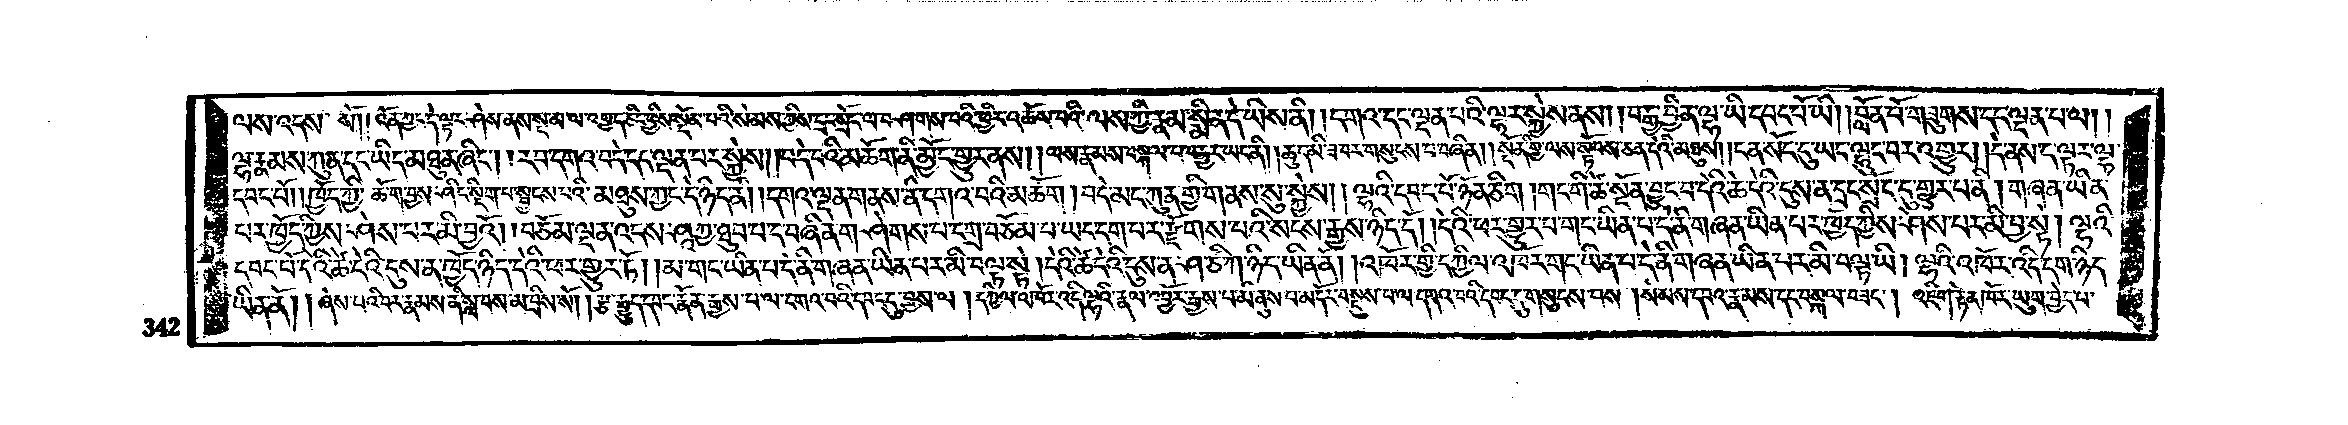ལས་འདས་སོ། ། འོན་ཀྱང་དེ་ལྟར་ཤེས་ནས་སྔ་མ་ལ་འགྱོད་ཅིང་ཕྱིས་སྡོམ་པའི་སེམས་ཀྱིས་དྲང་སྲོང་ལ་བཤགས་པའི་ཕྱིར་འཆོས་པའི་ལས་ཀྱི་རྣམ་སྨིན་དེ་ཡིས་ནི། །དགའ་དང་ལྡན་པའི་ལྷར་སྐྱེས་ནས། །བརྒྱ་བྱིན་ལྷ་ཡི་དབང་པོ་ཡི། །བློན་པོ་གཟུགས་དང་ལྡན་པ་ལ། །
ལྷ་རྣམས་ཀུན་དང་ཡིད་མཐུན་ཞིང་། །རབ་དགའ་བདེ་དང་ལྡན་པར་སྐྱེས། །བདེ་བའི་མཆོག་ནི་མྱོང་གྱུར་ནས། །ལས་རྣམས་བསྐལ་པ་བརྒྱར་ཡང་ནི། །ཆུད་མི་ཟ་བར་གསུངས་པ་བཞིན། །སྔོན་གྱི་ལས་སྟོབས་ཅན་དེའི་མཐུས། །ངན་སོང་དུ་ཡང་ལྷུང་བར་འགྱུར། །དེ་ནས་ད་ལྟར་ལྷ་
དབང་པོ། །ཁྱོད་ཀྱི་ཆོ་ག་བྱས་ཤིང་སྡིག་པ་སྦྱངས་པའི་མཐུས་ཀྱང་དེ་ཉིད་ནི། །དགའ་ལྡན་གནས་ནི་དགའ་བའི་མཆོག །བདེ་མང་ཀུན་གྱི་གནས་སུ་སྐྱེས། །ལྷའི་དབང་པོ་ཉོན་ཅིག །གང་གི་ཚེ་སྔོན་བྱུང་བ་དེའི་ཆེ་དེའི་དུས་ན་དྲང་སློང་དུ་གྱུར་པ་ནི། གཞན་ཡིན་
པར་ཁྱོད་ཀྱིས་ཤེས་པར་མི་བྱའོ། །བཅོམ་ལྡན་འདས་ཤཱཀྱ་ཐུབ་པ་དེ་བཞིན་གཤེགས་པ་དགྲ་བཅོམ་པ་ཡང་དག་པར་རྫོགས་པའི་སངས་རྒྱས་ཉིད་དོ། །དེའི་ཕར་གྱུར་པ་གང་ཡིན་པ་དེ་ནི་གཞན་ཡིན་པར་ཁྱོད་ཀྱིས་ཤེས་པར་མི་བྱ་སྟེ། ལྷའི་
དབང་པོ་དེའི་ཚེ་དེའི་དུས་ན་ཁྱོད་ཉིད་དེའི་ཕར་གྱུར་ཏོ། །མ་གང་ཡིན་པ་དེ་ནི་གཞན་ཡིན་པར་མི་བལྟ་སྟེ། དེའི་ཚེ་དེའི་དུས་ན་ཤ་ཙི་ཀ་ཉིད་ཡིན་ནོ། །འཁོར་གྱི་དཀྱིལ་འཁོར་གང་ཡིན་པ་དེ་ནི་གཞན་ཡིན་པར་མི་བལྟ་ཡི། ལྷའི་འཁོར་འདི་དག་ཉིད་
ཡིན་ནོ། །ཞེས་པའི་བར་རྣམས་ནི་སླ་བས་མ་བྲིས་སོ། །རྩ་རྒྱུད་དབང་རྣོན་རྒྱས་པ་ལ་དགའ་བའི་དབང་དུ་བྱས་ལ། དཀྱིལ་འཁོར་འདི་ལྷའི་རྣལ་འབྱོར་རྒྱས་པ་མི་ནུས་པ་མདོར་བསྡུས་པ་ལ་དགའ་བའི་དབང་དུ་གསུངས་པས། སེམས་དཔའ་རྣམས་དང་བསྐལ་བཟང་། འཇིག་རྟེན་ཁོར་ཡུག་བྱེད་པ་